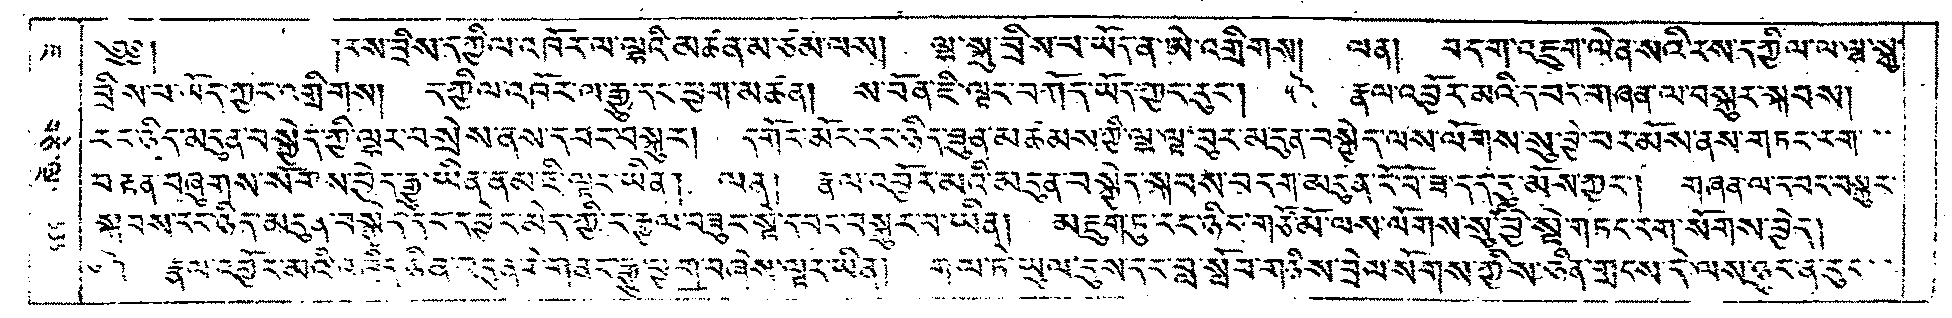༄༅། །རས་བྲིས་དཀྱིལ་འཁོར་ལ་ལྷའི་མཚན་མ་ཙམ་ལས། ལྷ་སྐུ་བྲིས་པ་ཡོད་ན་ཨེ་འགྲིགས། ལན། བདག་འཇུག་ལེན་སའི་རས་དཀྱིལ་ལ་ལྷ་སྐུ་
བྲིས་པ་ཡོད་ཀྱང་འགྲིགས། དཀྱིལ་འཁོར་ལ་རྒྱུ་དང་ཕྱག་མཚན། ས་བོན་ཇི་ལྟར་བཀོད་ཡོད་ཀྱང་རུང་། ༥?་རྣལ་འབྱོར་མའི་དབང་གཞན་ལ་བསྐུར་སྐབས།
རང་ཉིད་མདུན་བསྐྱེད་ཀྱི་ལྷར་བསྲེས་ནས་དབང་བསྐུར། དགོང་མོར་རང་ཉིད་ཐུན་མཚམས་ཀྱི་ལྷ་ལྟ་བུར་མདུན་བསྐྱེད་ལས་ལོགས་སུ་བྱེ་བར་མོས་ནས་གཏང་རག་
བརྟན་བཞུགས་སོགས་བྱེད་རྒྱུ་ཡིན་ནམ་ཇི་ལྟར་ཡིན། ལན། རྣལ་འབྱོར་མའི་མདུན་བསྐྱེད་སྐབས་བདག་མདུན་ངོ་བོ་ཐ་དད་དུ་མོས་ཀྱང་། གཞན་ལ་དབང་བསྐུར་
སྐབས་རང་ཉིད་མདུན་བསྐྱེད་དང་དབྱེར་མེད་ཀྱི་ང་རྒྱལ་བཟུང་སྟེ་དབང་བསྐུར་བ་ཡིན། མཇུག་ཏུ་རང་ཉིད་གཙོ་མོ་ལས་ལོགས་སུ་བྱེ་སྟེ་གཏང་རག་སོགས་བྱེད།
༦?་རྣལ་འབྱོར་མའི་འཁྲིད་ཉིན་བདུན་རེ་གནང་རྒྱུ་ཕྱག་བཞེས་ལྟར་ཡིན། གལ་ཏེ་ཡུལ་དུས་དང་བླ་སློབ་གཉིས་བྲེལ་སོགས་ཀྱིས་ཉིན་གྲངས་དེ་ལས་ཉུང་ན་རུང་